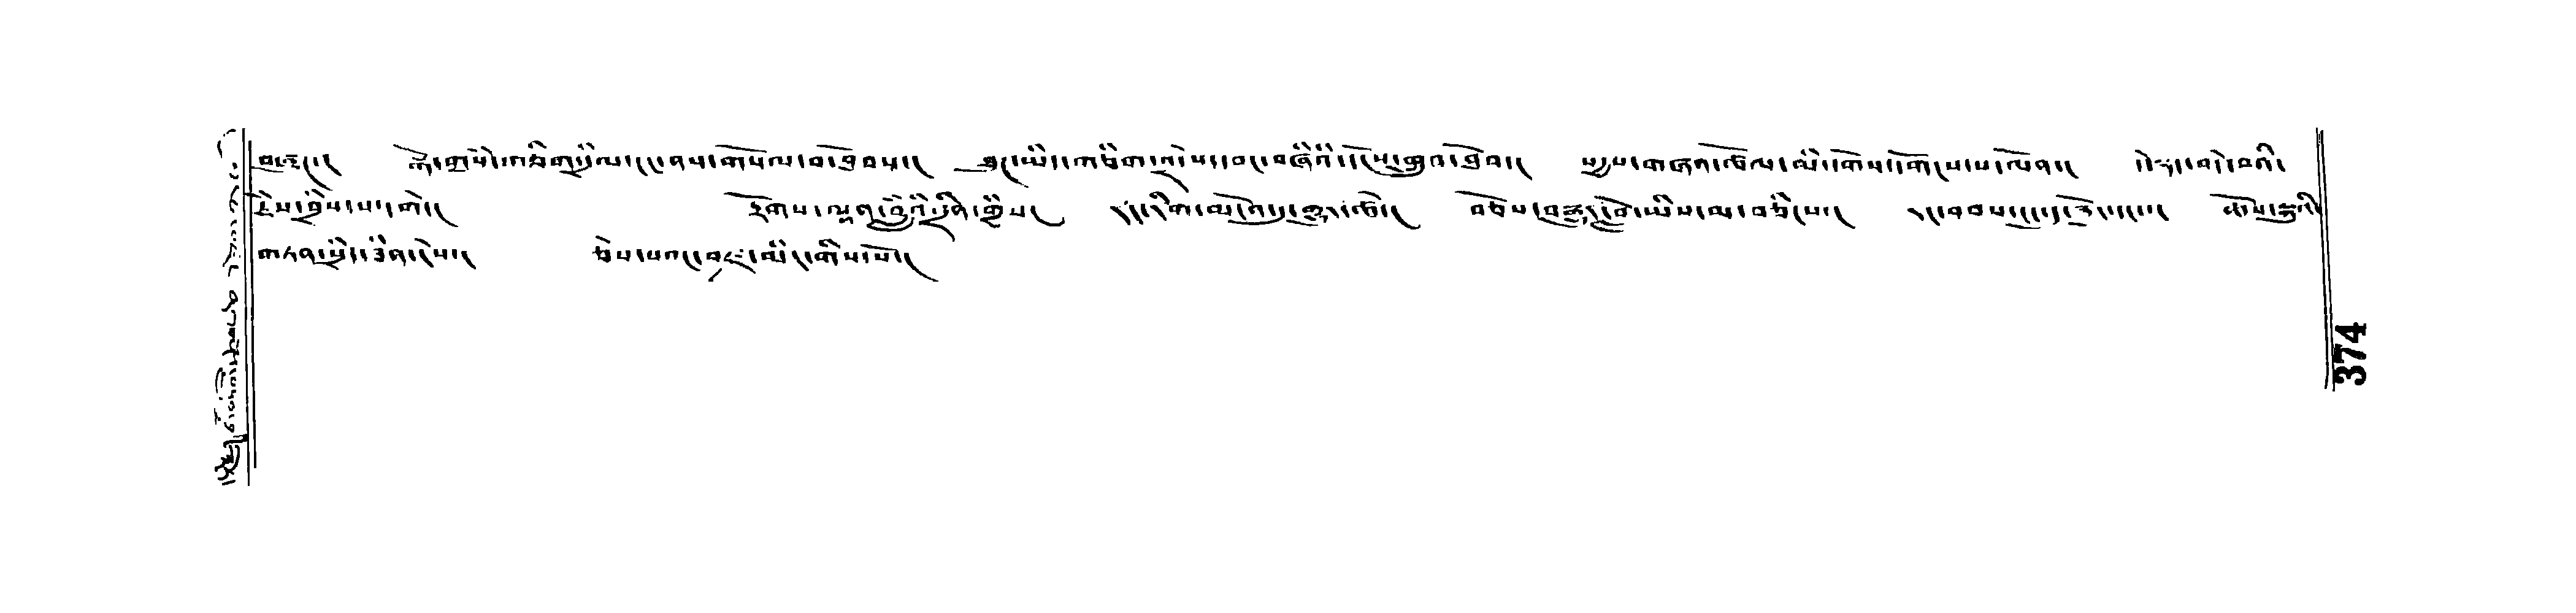བཞུགས། །སྒོ་གསུམ་གཅིག་དྲིལ་ངང་ནས་གསོལ་བ་ཐོབས། །ཐུགས་ཡིད་གཅིག་འདྲེས་དབང་བཞིའི་དངོས་གྲུབ་ཐོབ། །སངས་རྒྱས་གཞན་ཚོལ་མི་དགོས་དགོངས་པ་ལོན། །དེ་སྐད་བདེ་བའི་
རྡོ་རྗེས་བྲིས་པ་དགེ །རྟོགས་ལྡན་བླ་མའི་དྲིན་གྱིས། །རང་རིག་མངོན་དུ་གྱུར་ཚེ། །བཅོས་བསྒྱུར་བློ་ཡིས་མ་བཅིངས། །རང་བབས་ངང་དུ་སྐྱོངས་དང་། །ཆོས་སྐུའི་
གཏན་སྲིད་ཟིན་ངེས།ཅེས་པའང་བཛྲ་མིང་གིས་སོ།།